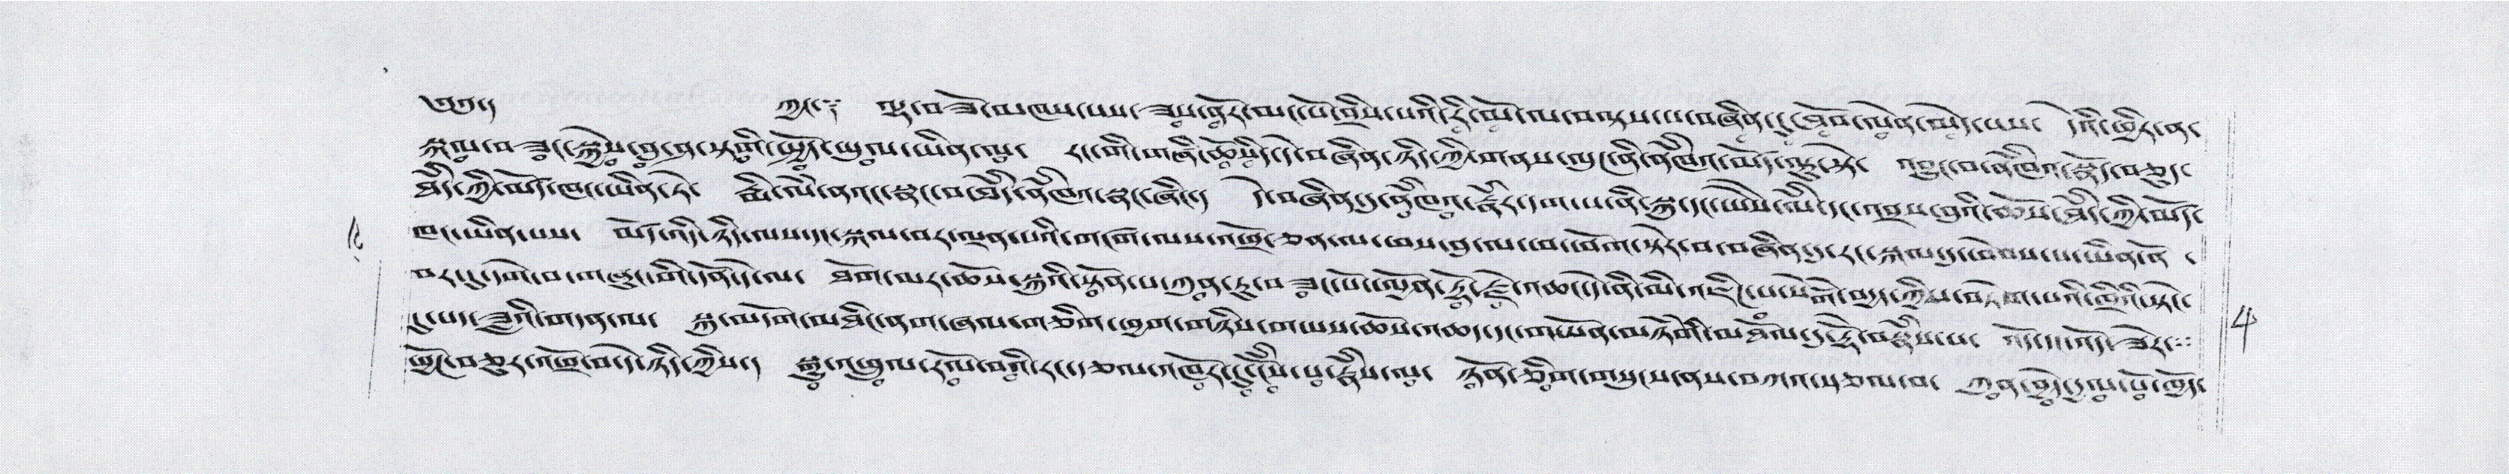ཀྱང་། ལྷ་བཟོ་མཁས་པས་ཟས་ནོར་མང་པོ་བྲིས་པའི་རི་མོ་ལ་བལྟས་པ་བཞིན་དུ་ཐོབ་ལེན་མེད་པས། དེའི་ཕྱིར་ན་
སྐལ་བཟང་སྐྱེས་བུ་ཤ་སྟག་གི་སྤྱོད་ཡུལ་ཡིན་ལ། རང་གི་གཞི་ཆོས་ཉིད་དེ་བཞིན་ཉིད་ཀྱི་གནས་ལུགས་ནི་ནམ་མཁའི་མཛོད་ལྟ་བུ་སྟེ། འབྱུང་བ་ནམ་མཁའ་སྣོད་བཅུད་
ཐམས་ཅད་ཀྱི་མཛོད་ཁང་ཡིན་ཏེ། རྨི་ལམ་ནའང་སྣང་བ་ཐམས་ཅད་ནམ་མཁའ་སྣང་ཞིང་། དེ་བཞིན་དུ་ནམ་མཁའ་རྣམ་པར་དག་པ་ནི། སྐུ་དང་ཡེ་ཤེས་ལམ་དང་འབྲས་བུའི་ཆོས་ཐམས་ཅད་ཀྱི་མཛོད་
ཁང་ཡིན་པས། མཛོད་འདི་ཉིད་ལས་དང་སྐལ་པ་ལྡན་པའི་གང་ཟག་ལས་འཕྲོ་ཅན་ལ་ཕས་བུ་ལ་ཕ་ཕོག་སྟེར་བ་བཞིན་དུ་རང་སྐལ་དུ་ཕེབས་པ་ཡིན་ནོ། །
བར་དུ་དགེ་བ་གཞུང་གི་དོན་དེ་ལ། ཐོག་མར་ཆོས་སྐུའི་སྟོན་པ་ཀུན་ཏུ་བཟང་པོ་ཨོ་རྒྱན་རྡོ་རྗེ་འཆང་དེ་ནི་མི་འཇིགས་སེང་གེ་བརྒྱད་ཀྱིས་བཏེགས་པའི་ཁྲིའི་སྟེང་
དུ་པདྨའི་གདན་ལ། སྐུ་མདོག་མཐིང་ནག་ཞལ་གཅིག་ཕྱག་གཉིས་གཡས་ཆོས་འཆད་དང་གཡོན་མཉམ་གཞག་གི་མཐིལ་དུ་རྡོ་རྗེ་བསྣམས་པ། འོད་དང་འོད་ཟེར་
ཕྱོགས་བཅུར་འཕྲོ་བ་དེ་ཉིད་ཀྱིས། སྒྱུ་འཕྲུལ་རོལ་པའི་རང་རྩལ་འཁོར་དུ་ངོམས་པ་རྣམས་ལ། ཉོན་ཅིག་གསུངས་ནས་བཀའ་སྩལ་པ། ཀུན་བྱེད་རྒྱལ་པོ་ཁྱོད་